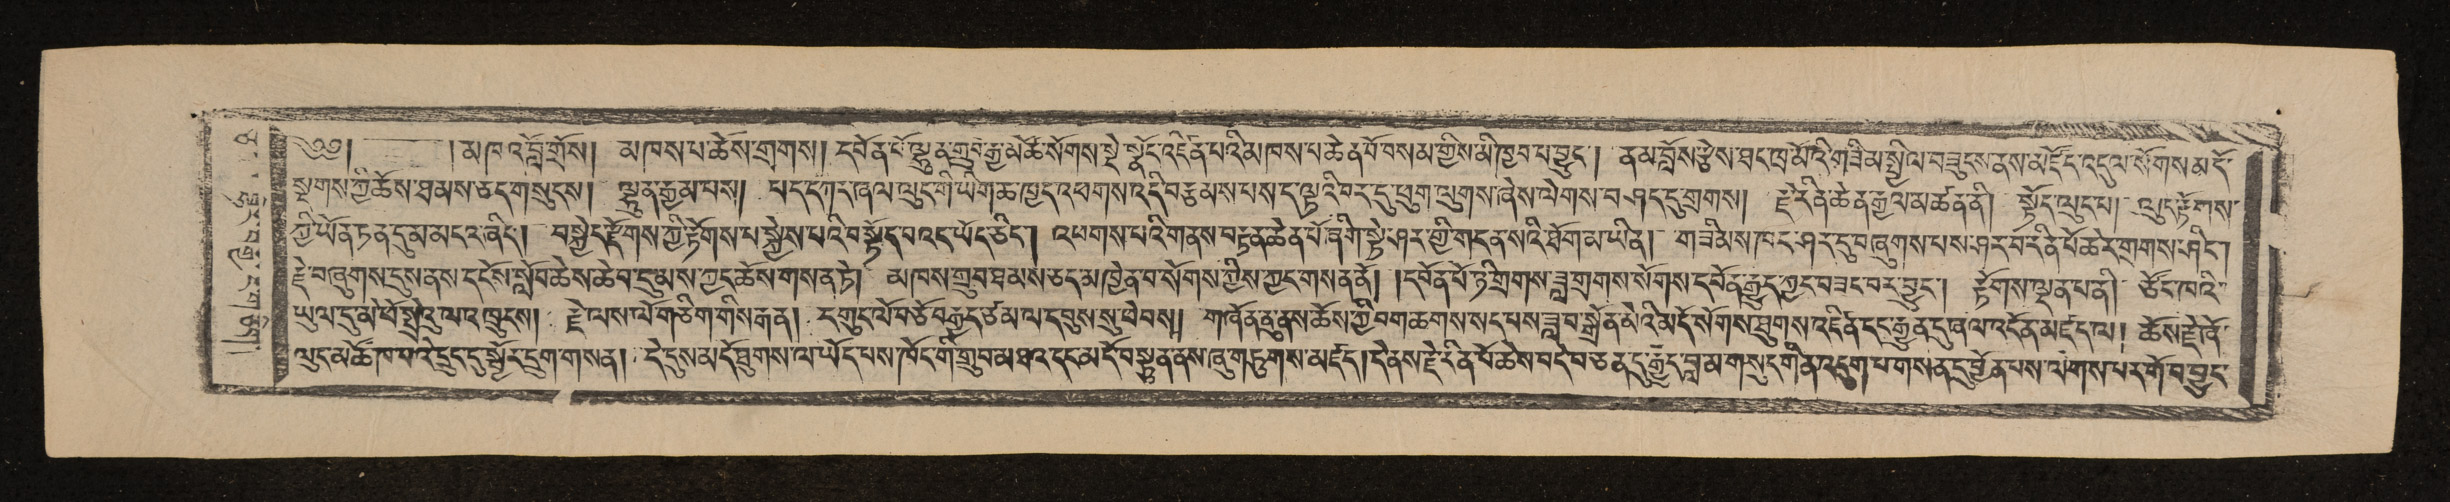༄༅། །མཁའ་བློ་གྲོས། མཁས་པ་ཆོས་གྲགས། དཔོན་པོ་ལྷུན་གྲུབ་རྒྱ་མཚོ་སོགས་སྡེ་སྣོད་འཛིན་པའི་མཁས་པ་ཆེན་པོ་བསམ་གྱིས་མི་ཁྱབ་པ་བྱུང་། ནམ་བློས་རྩེས་ཐང་ཁྲ་མོའི་གཟིམ་སྤྱིལ་བཟུངས་ནས་མཛོད་འདུལ་སོགས་མདོ་
སྔགས་ཀྱི་ཆོས་ཐམས་ཅད་གསུངས། ལྷུན་རྒྱམ་པས། པད་དཀར་ཞལ་ལུང་གི་ཡིག་ཆ་ཁྱད་འཕགས་འདི་བརྩམས་པས་ད་ལྟའི་བར་དུ་ཕུག་ལུགས་ཞེས་ལེགས་བཤད་དུ་གྲགས། རྗེ་རིན་ཆེན་རྒྱལ་མཚན་ནི། སྟོད་ལུང་བ། ལུང་རྟོགས་
ཀྱི་ཡོན་ཏན་དུ་མ་མངའ་ཞིང་། བསྐྱེད་རྫོགས་ཀྱི་རྟོགས་པ་སྐྱེས་པའི་བསྟོད་པའང་ཡོད་ཅིང་། འཕགས་པའི་གནས་བརྟན་ཆེན་པོ་ཞིག་སྟེ་ཤར་གྱི་གདན་སའི་ཐོག་མ་ཡིན། གཟིམས་ཁང་ཤར་དུ་བཞུགས་པས་ཤར་པ་རིན་པོ་ཆེར་གྲགས་ཤིང་།
རྗེ་བཞུགས་དུས་ནས་དངོས་སློབ་ཆེས་ཆེ་བ་དུ་མས་ཀྱང་ཆོས་གསན་ཏེ། མཁས་གྲུབ་ཐམས་ཅད་མཁྱེན་པ་སོགས་ཀྱིས་ཀྱང་གསན་ནོ། །དཔོན་པོ་ཉི་གྲགས་ཟླ་གྲགས་སོགས་དཔོན་རྒྱུད་ཀྱང་བཟང་བར་བྱུང་། རྟོགས་ལྡན་པ་ནི། ཙོང་ཁའི་
ཡུལ་དུ་མེ་ཕོ་སྤྲེའུ་ལ་འཁྲུངས། རྗེ་ལས་ལོ་གཅིག་གིས་རྒན། དགུང་ལོ་བཅོ་བརྒྱད་ཙམ་ལ་དབུས་སུ་ཕེབས། གཞོན་ནུ་ནས་ཆོས་ཀྱི་བག་ཆགས་སད་པས་ཟླ་བ་སྒྲོན་མེའི་མདོ་སོགས་ཐུགས་འཛིན་དང་རྒྱུན་དུ་ཞལ་འདོན་མཛད་ལ། ཆོས་རྗེ་ཞོ་
ལུང་མཚོ་ཁ་བིའི་དྲུང་དུ་སྦྱོར་དྲུག་གསན། དེ་དུས་མདོ་ཐུགས་ལ་ཡོད་པས་ཁོང་གི་གྲུབ་མཐའ་དང་མདོ་བསྟུན་ནས་ཞུག་ཏུགས་མཛད། དེ་ནས་རྗེ་རིན་པོ་ཆེས་བདེ་བ་ཅན་དུ་རྒྱུད་བླ་མ་གསུང་གིན་འདུག་པ་གསན་དུ་བྱོན་པས་ལེགས་པར་གོ་བ་བྱུང་